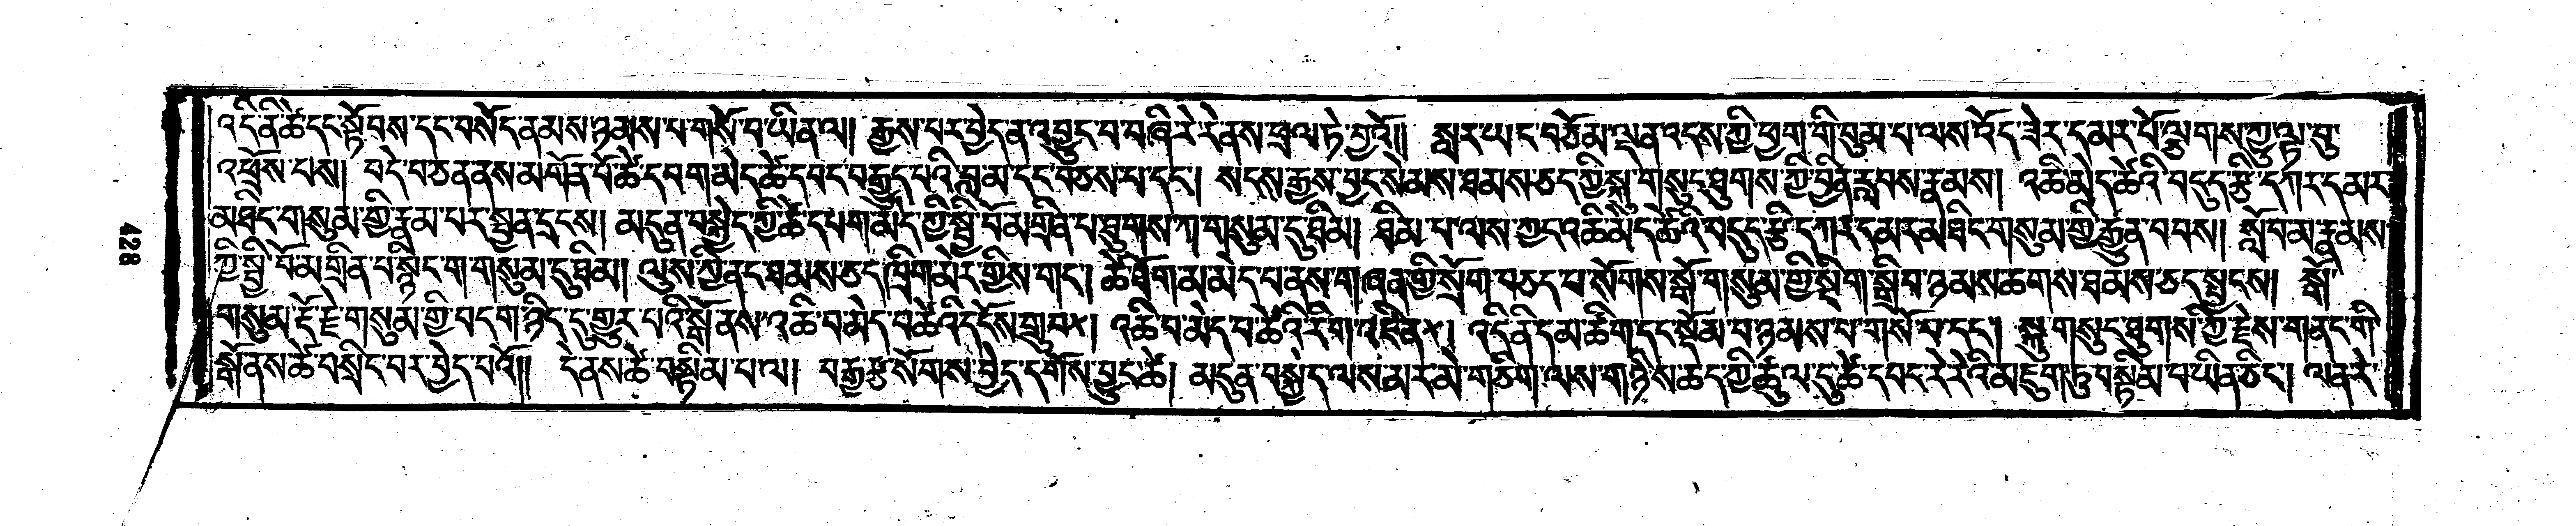འདི་ནི་ཚེ་དང་སྟོབས་དང་བསོད་ནམས་ཉམས་པ་གསོ་བ་ཡིན་ལ། རྒྱས་པར་བྱེད་ན་འབྱུང་བ་བཞི་རེ་རེ་ནས་བྲལ་ཏེ་བྱའོ། །སླར་ཡང་བཅོམ་ལྡན་འདས་ཀྱི་ཕྱག་གི་བུམ་པ་ལས་འོད་ཟེར་དམར་པོ་ལྕགས་ཀྱུ་ལྟ་བུ་
འཕྲོས་པས། བདེ་བ་ཅན་ནས་མགོན་པོ་ཚེ་དཔག་མེད་ཚེ་དབང་བརྒྱུད་པའི་བླ་མ་དང་བཅས་པ་དང་། སངས་རྒྱས་བྱང་སེམས་ཐམས་ཅད་ཀྱི་སྐུ་གསུང་ཐུགས་ཀྱི་བྱིན་རླབས་རྣམས། འཆི་མེད་ཚེའི་བདུད་རྩི་དཀར་དམར་
མཐིང་གསུམ་གྱི་རྣམ་པར་སྤྱན་དྲངས། མདུན་བསྐྱེད་ཀྱི་ཚེ་དཔག་མེད་ཀྱི་སྤྱི་བོ་མགྲིན་པ་ཐུགས་ཀ་གསུམ་དུ་ཐིམ། ཐིམ་པ་ལས་ཀྱང་འཆི་མེད་ཚེའི་བདུད་རྩི་དཀར་དམར་མཐིང་གསུམ་གྱི་རྒྱུན་བབས། སློབ་མ་རྣམས་
ཀྱི་སྤྱི་བོ་མགྲིན་པ་སྙིང་ག་གསུམ་དུ་ཐིམ། ལུས་ཀྱི་ནང་ཐམས་ཅད་ཁྲིག་མེར་གྱིས་གང་། ཚེ་ཐོག་མ་མེད་པ་ནས་གཞན་གྱི་སྲོག་བཅད་པ་སོགས་སྒོ་གསུམ་གྱི་སྡིག་སྒྲིབ་ཉམས་ཆགས་ཐམས་ཅད་སྦྱངས། སྒོ་
གསུམ་རྡོ་རྗེ་གསུམ་གྱི་བདག་ཉིད་དུ་གྱུར་པའི་སྒོ་ནས་འཆི་བ་མེད་པ་ཚེའི་དངོས་གྲུབ་྾། འཆི་བ་མེད་པ་ཚེའི་རིག་འཛིན་྾། འདི་ནི་དམ་ཚིག་དང་སྡོམ་པ་ཉམས་པ་གསོ་བ་དང་། སྐུ་གསུང་ཐུགས་ཀྱི་རྗེས་གནང་གི་
སྒོ་ནས་ཚེ་བསྲིང་བར་བྱེད་པའོ། །དེ་ནས་ཚེ་བསྟིམ་པ་ལ། བརྒྱ་རྩ་སོགས་བྱེད་དགོས་བྱུང་ཚེ། མདུན་བསྐྱེད་ལས་མར་མེ་གཅིག་ལས་གཉིས་ཆད་ཀྱི་ཚུལ་དུ་ཚེ་དབང་རེ་རེའི་མཇུག་ཏུ་བསྟིམ་པ་ཡིན་ཅིང་། ལན་རེ་